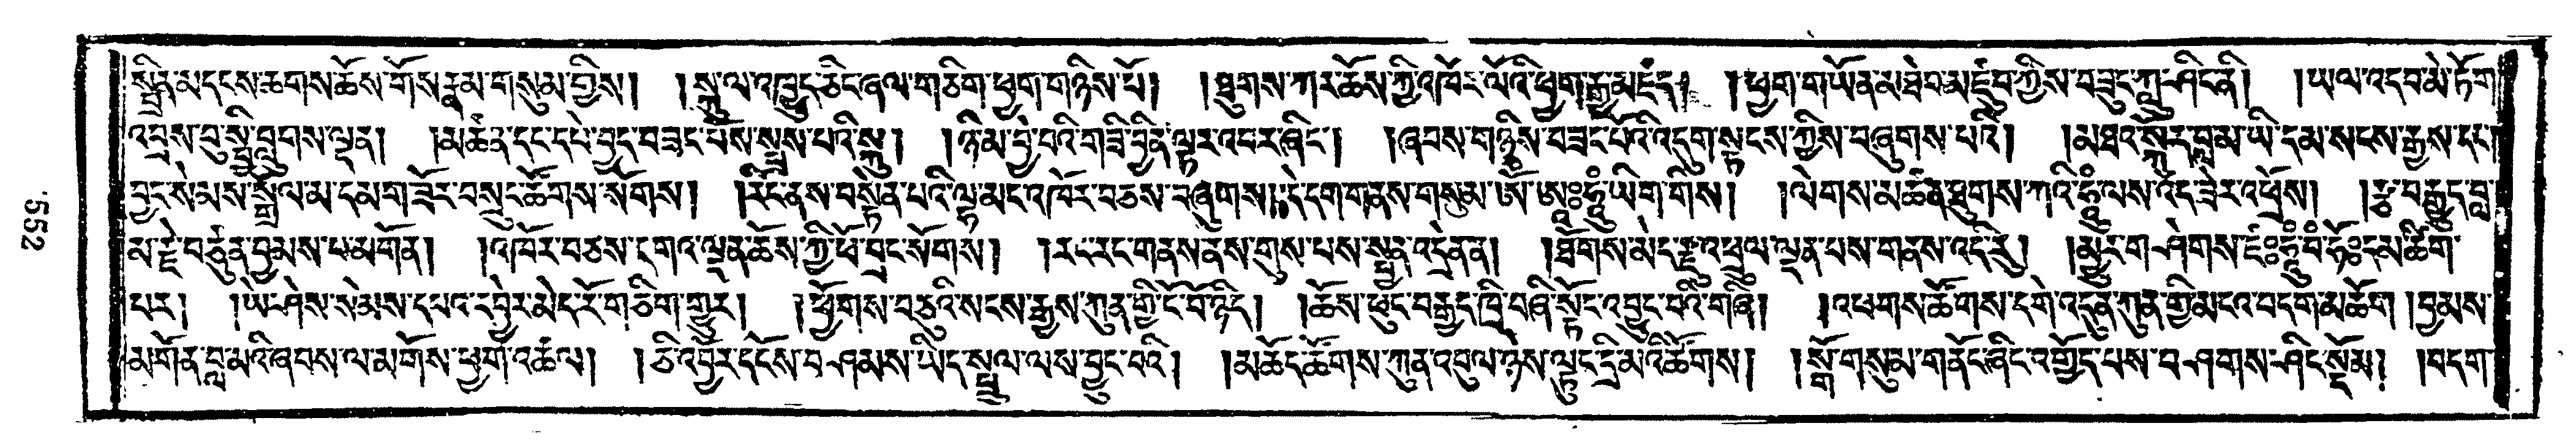སྤྲིན་མདངས་ཆགས་ཆོས་གོས་རྣམ་གསུམ་གྱིས། །སྐུ་ལ་འཁྱུད་ཅིང་ཞལ་གཅིག་ཕྱག་གཉིས་པོ། །ཐུགས་ཀར་ཆོས་ཀྱི་འཁོར་ལོའི་ཕྱག་རྒྱ་མཛད། །ཕྱག་གཡོན་མཐེབ་མཛུབ་ཀྱིས་བཟུང་ཀླུ་ཤིང་ནི། །ཡལ་འདབ་མེ་ཏོག་
འབྲས་བུ་སྤྱི་བླུགས་ལྡན། །མཚན་དང་དཔེ་བྱད་བཟང་པོས་སྤྲས་པའི་སྐུ། །ཉི་མ་བྱེ་བའི་གཟི་བྱིན་ལྟར་འབར་ཞིང་། །ཞབས་གཉིས་བཟང་པོའི་འདུག་སྟངས་ཀྱིས་བཞུགས་པའི། །མཐའ་སྐོར་བླ་མ་ཡི་དམ་སངས་རྒྱས་དང་།
བྱང་སེམས་སྒྲོལ་མ་དམག་ཟོར་བསྲུང་ཚོགས་སོགས། །རིང་ནས་བསྟེན་པའི་ལྷ་མང་འཁོར་བཅས་བཞུགས། །དེ་དག་གནས་གསུམ་ཨོཾ་ཨཱཿཧཱུཾ་ཡིག་གིས། །ལེགས་མཚན་ཐུགས་ཀའི་ཧཱུཾ་ལས་འོད་ཟེར་འཕྲོས། །རྩ་བརྒྱུད་བླ་
མ་རྗེ་བཙུན་བྱམས་པ་མགོན། །འཁོར་བཅས་དགའ་ལྡན་ཆོས་ཀྱི་ཕོ་བྲང་སོགས། །རང་རང་གནས་ནས་གུས་པས་སྤྱན་འདྲེན་ན། །ཐོགས་མེད་རྫུ་འཕྲུལ་ལྡན་པས་གནས་འདི་རུ། །མྱུར་གཤེགས་ཛཿཧཱུཾ་བཾ་ཧོཿདམ་ཚིག་
པར། །ཡེ་ཤེས་སེམས་དཔའ་དབྱེར་མེད་རོ་གཅིག་གྱུར། །ཕྱོགས་བཅུའི་སངས་རྒྱས་ཀུན་གྱི་ངོ་བོ་ཉིད། །ཆོས་ཕུང་བརྒྱད་ཁྲི་བཞི་སྟོང་འབྱུང་བའི་གཞི། །འཕགས་ཚོགས་དགེ་འདུན་ཀུན་གྱི་མངའ་བདག་མཆོག །བྱམས་
མགོན་བླ་མའི་ཞབས་ལ་མགོས་ཕྱག་འཚལ། །ཅི་འབྱོར་དངོས་བཤམས་ཡིད་སྤྲུལ་ལས་བྱུང་བའི། །མཆོད་ཚོགས་ཀུན་འབུལ་ཉེས་ལྟུང་དྲི་མའི་ཚོགས། །སྒོ་གསུམ་གནོད་ཞིང་འགྱོད་པས་བཤགས་ཤིང་སྡོམ། །བདག་